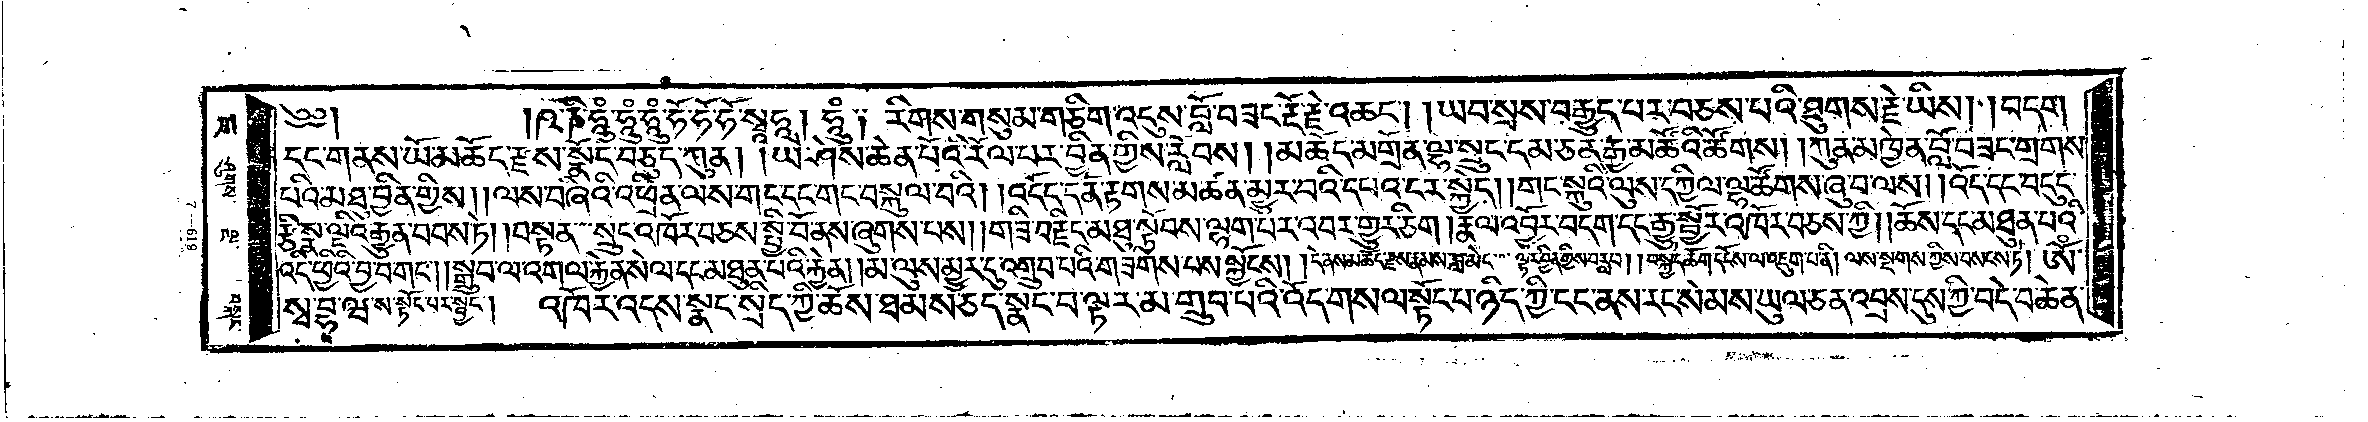༄༅། །ཥ་ཎི་ཧཱུཾ་ཧཱུཾ་ཧཱུཾ་ཧོ་ཧོ་ཧོ་སྭཱཧཱ། ཧཱུཾ༑ རིགས་གསུམ་གཅིག་འདུས་བློ་བཟང་རྡོ་རྗེ་འཆང་། །ཡབ་སྲས་བརྒྱུད་པར་བཅས་པའི་ཐུགས་རྗེ་ཡིས། །བདག་
དང་གནས་ཡོ་མཆོད་རྫས་སྣོད་བཅུད་ཀུན། །ཡེ་ཤེས་ཆེན་པོའི་རོལ་པར་བྱིན་གྱིས་རློབས། །མཆོད་མགྲོན་ལྷ་སྲུང་དམ་ཅན་རྒྱ་མཚོའི་ཚོགས། །ཀུན་མཁྱེན་བློ་བཟང་གྲགས་
པའི་མཐུ་བྱིན་གྱིས། །ལས་བཞིའི་འཕྲིན་ལས་གང་དང་གང་བསྐུལ་བའི། །འདོད་དོན་རྟགས་མཚན་མྱུར་བའི་དཔའ་ངར་སྐྱེད། །གང་སྐུའི་ལུས་དཀྱིལ་ལྷ་ཚོགས་ཞུ་བ་ལས། །འོད་དང་བདུད་
རྩི་སྣ་ངའི་རྒྱུན་བབས་ཏེ། །བསྟན་སྲུང་འཁོར་བཅས་སྤྱི་བོ་ནས་ཞུགས་པས། །གཟི་བརྗིད་མཐུ་སྟོབས་ལྷག་པར་འབར་གྱུར་ཅིག །རྣལ་འབྱོར་བདག་དང་རྒྱུ་སྦྱོར་འཁོར་བཅས་ཀྱི། །ཆོས་དང་མཐུན་པའི་
འདི་ཕྱིའི་བྱ་བ་གང་། །སྒྲུབ་ལ་འགལ་རྐྱེན་སེལ་དང་མཐུན་པའི་རྐྱེན། །མ་བུས་མྱུར་དུ་འགྲུབ་པའི་གཟིགས་པས་སྐྱོངས། །དེ་ནས་མཆོད་རྫས་རྣམས་བླ་མེད་ལྟར་བྱིན་གྱིས་བརླབ། །བསྐྱེད་ཆོག་དངོས་ལ་འཇུག་པ་ནི། ལས་སྔགས་ཀྱིས་བསངས་ཏེ།  ཨོཾ་
སྭ་བྷཱ་ཝ་ས་སྟོང་པར་སྦྱང་། འཁོར་འདས་སྣང་སྲིད་ཀྱི་ཆོས་ཐམས་ཅད་སྣང་བ་ལྟར་མ་གྲུབ་པའི་འོད་གསལ་སྟོང་པ་ཉིད་ཀྱི་ངང་ནས་རང་སེམས་ཡུལ་ཅན་འབྲས་དུས་ཀྱི་བདེ་བ་ཆེན་